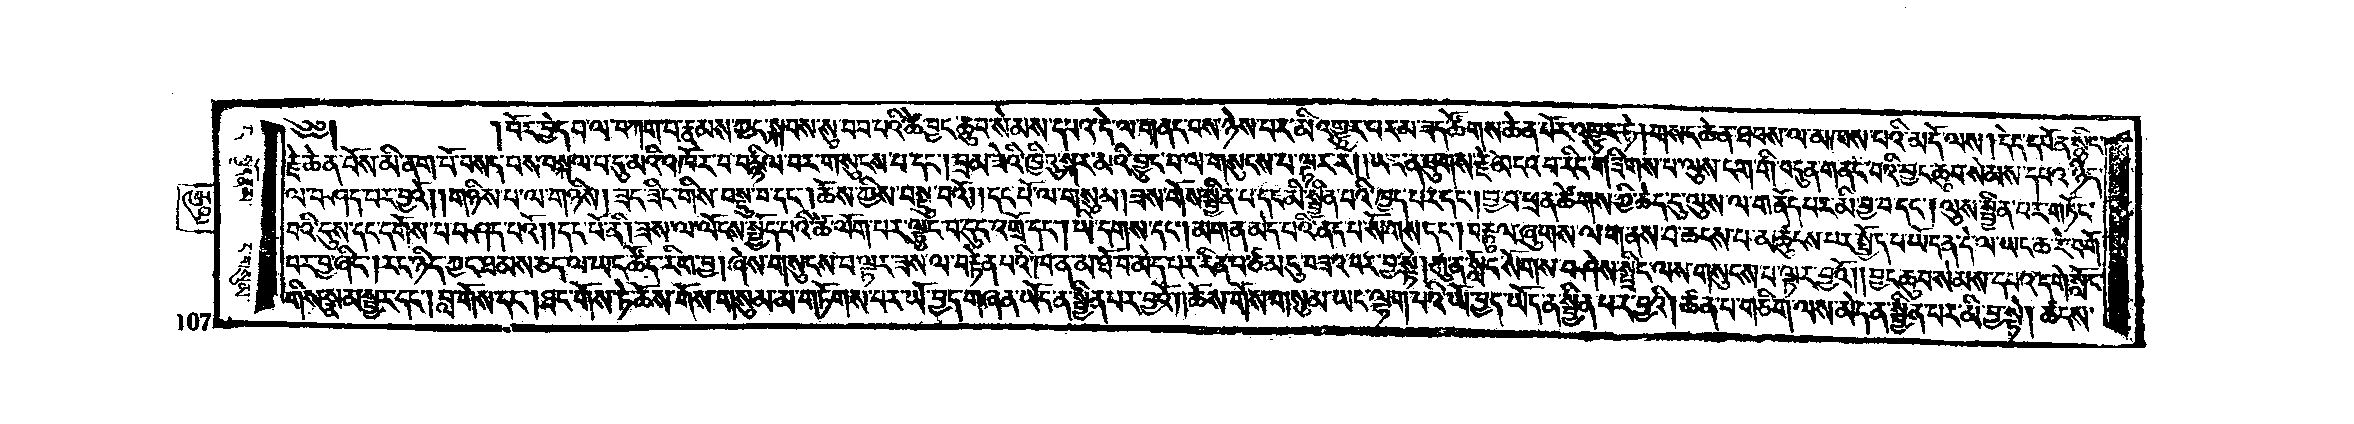༄༅། །བོར་བྱེད་པ་ལ་བཀག་པ་རྣམས་ཀྱང་སྐབས་སུ་བབ་པའི་ཚེ་བྱང་ཆུབ་སེམས་དཔའ་དེ་ལ་གནང་བས་ཉེས་པར་མི་འགྱུར་བར་མ་ཟད་ཚོགས་ཆེན་པོར་འགྱུར་ཏེ། གསང་ཆེན་ཐབས་ལ་མཁས་པའི་མདོ་ལས། དེད་དཔོན་སྙིང་
རྗེ་ཆེན་པོས་མི་ནག་པོ་བསད་པས་བསྐལ་པ་དུ་མའི་འཁོར་བ་བརྙིལ་བར་གསུངས་པས་དང་། བྲམ་ཟེའི་ཁྱིའུ་སྐར་མའི་བྱུང་བ་ལ་གསུངས་པ་ལྟར་རོ། །ཡང་ན་ཐུགས་རྗེ་མངའ་བ་རིང་གཟིགས་པ་ལུས་ངག་གི་བདུན་གནང་བའི་བྱང་ཆུབ་སེམས་དཔའ་ཉིད་
ལ་བཤད་པར་བྱའོ། །གཉིས་པ་ལ་གཉིས། ཟང་ཞིང་གིས་བསྡུ་བ་དང་། ཆོས་ཀྱིས་བསྡུ་བའོ། །དང་པོ་ལ་གསུམ། ཟས་གོས་སྦྱིན་པ་དང་མི་སྦྱིན་པའི་ཁྱད་པར་དང་། བྱ་བ་ཕྲན་ཚོགས་ཀྱི་ཆེད་དུ་ལུས་ལ་གནོད་པར་མི་བྱ་བ་དང་། ལུས་སྦྱིན་པར་གཏོང་
བའི་དུས་དང་དགོས་པ་བཤད་པའོ། །དང་པོ་ནི། ཟས་ལ་ལོངས་སྤྱོད་པའི་ཚེ་ལོག་པར་ལྟུང་བ་དུད་འགྲོ་དང་། ཡི་དྭགས་དང་། མགན་མེད་པའི་ནད་པ་སོགས་དང་། བརྟུལ་ཞུགས་ལ་གནས་པ་ཆངས་པ་མཚུངས་པར་སྤྱོད་པ་ཡོད་ན་དེ་ལ་ཡང་ཆ་རེ་བགོ་
བར་བྱ་ཞིང་། རང་ཉིད་ཀྱང་ཐམས་ཅད་ལ་ཡང་ཚོད་རིག་བྱ། ཞེས་གསུངས་པ་ལྟར་ཟས་ལ་བརྟེན་པའི་ཁ་ན་མ་ཐོ་བ་མེད་པར་རིན་པ་ཙམ་དུ་བཟའ་བར་བྱ་སྟེ། ཀུན་སློང་སོགས་བཤེས་སྤྲིང་ལས་གསུངས་པ་ལྟར་བྱའོ། །བྱང་ཆུབ་སེམས་དཔའ་དགེ་སློང་
གིས་སྣམ་སྦྱར་དང་། བླ་གོས་དང་། ཐང་གོས་ཏེ་ཆོས་གོས་གསུམ་མ་གཏོགས་པར་ཡོ་བྱད་གཞན་ཡོད་ན་སྦྱིན་པར་བྱའོ། །ཆོས་གོས་གསུམ་ཡང་ལྷག་པའི་ཡོ་བྱད་ཡོན་ན་སྦྱིན་པར་བྱའི། ཚན་པ་གཅིག་ལས་མེད་ན་སྦྱིན་པར་མི་བྱ་སྟེ། ཚངས་